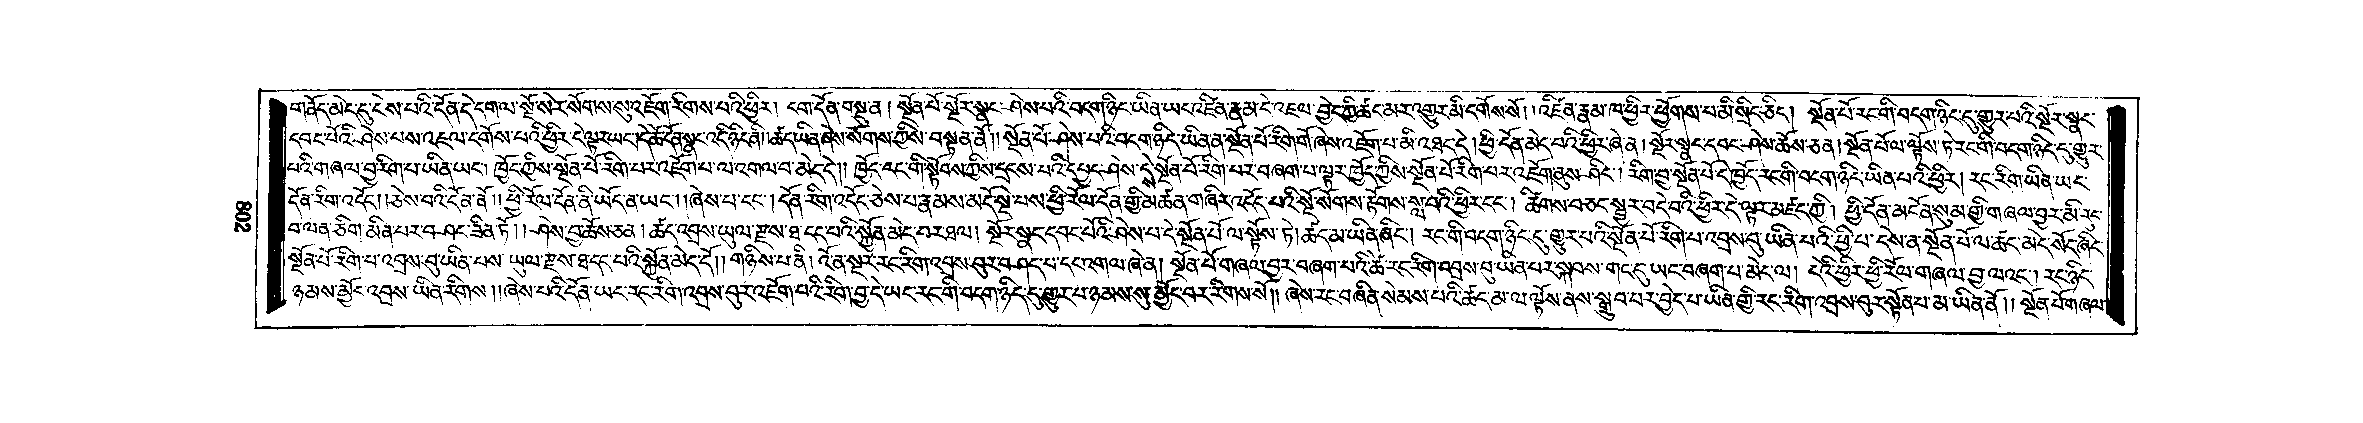གནོད་མེད་དུ་ངེས་པའི་དོན་དེ་དག་ལ་སྔོ་སེར་སོགས་སུ་འཇོག་རིགས་པའི་ཕྱིར། དག་དོན་བསྡུ་ན། སྔོན་པོ་སྔོར་སྣང་ཤེས་པའི་བདག་ཉིད་ཡིན་ཡང་འཛིན་རྣམ་དེ་འཇལ་བྱེད་ཀྱི་ཚད་མར་འགྱུར་མི་དགོས་སོ། །འཛིན་རྣམ་ཁ་ཕྱིར་ཕྱོགས་པ་མི་སྲིད་ཅིང་། སྔོན་པོ་རང་གི་བདག་ཉིད་དུ་གྱུར་པའི་སྔོར་སྣང་
དབང་པོའི་ཤེས་པས་འཇལ་དགོས་པའི་ཕྱིར་དེ་ལྟར་ཡང་། དེ་ཚེ་དོན་སྣང་འདི་ཉིད་ནི། །ཚད་ཡིན་ཞེས་སོགས་ཀྱིས་བསྟན་ནོ། །སྔོན་པོ་ཤེས་པའི་བདག་ཉིད་ཡིན་ན་སྔོན་པོ་རིག་གོ་ཞེས་འཇོག་པ་མི་འཐད་དེ། ཕྱི་དོན་མེད་པའི་ཕྱིར་ཞེ་ན། སྔོར་སྣང་དབང་ཤེས་ཆོས་ཅན། སྔོན་པོ་ལ་ལྟོས་ཏེ་རང་གི་བདག་ཉིད་དུ་གྱུར་
པའི་གཞལ་བྱ་རིག་པ་ཡིན་ཡང་། ཁྱོད་ཀྱིས་སྔོན་པོ་རིག་པར་འཇོག་པ་ལ་འགལ་བ་མེད་དེ། །ཁྱོད་རང་གི་སྟོབས་ཀྱིས་དྲངས་པའི་དཔྱད་ཤེས་དེས་སྔོན་པོ་རིག་པར་བཞག་པ་ལྟར་ཁྱོད་ཀྱིས་སྔོན་པོ་རིག་པར་འཇོག་ནུས་ཤིང་། རིག་བྱ་སྔོན་པོ་དེ་ཁྱོད་རང་གི་བདག་ཉིད་ཡིན་པའི་ཕྱིར། རང་རིག་ཡིན་ཡང་
དོན་རིག་འདོད། །ཅེས་པའི་དོན་ནོ། །ཕྱི་རོལ་དོན་ནི་ཡོད་ན་ཡང་། །ཞེས་པ་དང་། དོན་རིག་འདོད་ཅེས་པ་རྣམས་མདོ་སྡེ་པས་ཕྱི་རོལ་དོན་གྱི་མཚན་གཞིར་འདོད་པའི་སྔོ་སོགས་རྟོགས་སླ་བའི་ཕྱིར་དང་། ཚིགས་བཅད་སྦྱར་བདེ་བའི་ཕྱིར་དེ་ལྟར་མཛད་ཀྱི། ཕྱི་དོན་མངོན་སུམ་གྱི་གཞལ་བྱར་མི་རུང་
བ་ལན་ཅིག་མིན་པར་བཤད་ཟིན་ཏོ། །ཤེས་བྱ་ཆོས་ཅན། ཚད་འབྲས་ཡུལ་རྫས་ཐ་དད་པའི་སྐྱོན་མེད་པར་ཐལ། སྔོར་སྣང་དབང་པོའི་ཤེས་པ་དེ་སྔོན་པོ་ལ་ལྟོས་ཏེ། ཚད་མ་ཡིན་ཞིང་། རང་གི་བདག་ཉིད་དུ་གྱུར་པའི་སྔོན་པོ་རིག་པ་འབྲས་བུ་ཡིན་པའི་ཕྱི་པ་དེས་ན་སྔོན་པོ་ལ་ཚད་མེད་སོང་ཞིང་
སྔོན་པོ་རིག་པ་འབྲས་བུ་ཡིན་པས་ཡུལ་རྫས་ཐ་དད་པའི་སྐྱོན་མེད་དོ། །གཉིས་པ་ནི། འོ་ན་སྔར་རང་རིག་འབྲས་བུར་བཤད་པ་དང་འགལ་ཞེ་ན། སྔོན་པོ་གཞལ་བྱར་བཞག་པའི་ཚེ་རང་རིག་འབྲས་བུ་ཡིན་པར་སྐབས་གང་དུ་ཡང་བཞག་པ་མེད་ལ། དེའི་ཕྱིར་རོལ་གཞལ་བྱ་ལའང་། རང་ཉིད་
ཉམས་མྱོང་འབྲས་ཡིན་རིགས། །ཞེས་པའི་དོན་ཡང་རང་རིག་འབྲས་བུར་འཇོག་པའི་རིག་བྱ་དེ་ཡང་རང་གི་བདག་ཉིད་དུ་གྱུར་པ་ཉམས་སུ་མྱོང་བར་རིགས་སོ། །ཞེས་རང་བཞིན་སེམས་པའི་ཚད་མ་ལ་ལྟོས་ནས་སྒྲུབ་པར་བྱེད་པ་ཡིན་གྱི་རང་རིག་འབྲས་བུར་སྟོན་པ་མ་ཡིན་ནོ། །སྔོན་པོ་གཞལ་